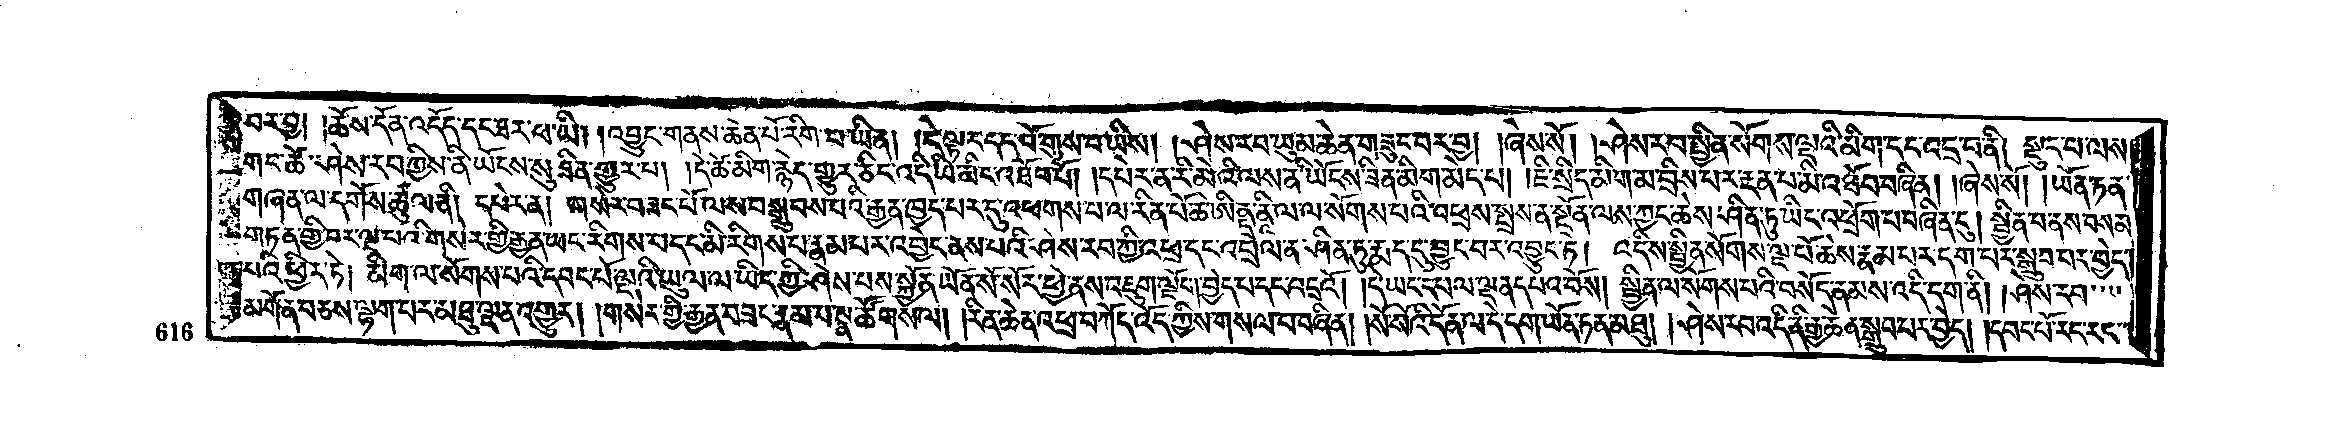བར་བྱ། །ཆོས་དོན་འདོད་དང་ཐར་པ་ཡི། །འབྱུང་གནས་ཆེན་པོ་རིག་པ་ཡིན། །དེ་ལྟར་དང་པོ་གུས་པ་ཡིས། །ཤེས་རབ་ཡུམ་ཆེན་གཟུང་བར་བྱ། །ཞེས་སོ། །ཤེས་རབ་སྦྱིན་སོགས་སྔའི་མིག་དང་འདྲ་བ་ནི། སྡུད་པ་ལས།
གང་ཚེ་ཤེས་རབ་ཀྱིས་ནི་ཡོངས་སུ་ཟིན་གྱུར་པ། །དེ་ཚེ་མིག་རྙེད་གྱུར་ཅིང་འདི་ཡི་མིང་འཐོབ་བོ། །དཔེར་ན་རི་མོའི་ལས་ནི་ཡོངས་ཟིན་མིག་མེད་པ། །ཇི་སྲིད་མིག་མ་བྲིས་པར་རྔན་པ་མི་འཐོབ་བཞིན། །ཞེས་སོ། །ཡོན་ཏན་
གཞན་ལ་དགོས་ཚུལ་ནི། དཔེར་ན། གསེར་བཟང་པོ་ལས་བསྒྲུབས་པའི་རྒྱན་ཁྱད་པར་དུ་འཕགས་པ་ལ་རིན་པོ་ཆེ་ཨིནྡྲ་ནཱི་ལ་ལ་སོགས་པའི་འཕྲས་སྤྲས་ན་སྔོན་ལས་ཀྱང་ཆེས་ཤིན་ཏུ་ཡིད་འཕྲོག་པ་བཞིན་དུ། སྦྱིན་པ་ནས་བསམ་
གཏན་གྱི་བར་ལྔ་པོའི་གསེར་གྱི་རྒྱན་ཡང་རིགས་པ་དང་མི་རིགས་པ་རྣམ་པར་འབྱེད་ནུས་པའི་ཤེས་རབ་ཀྱི་འཕྲ་དང་འབྲེལ་ན་ཤིན་ཏུ་རྨད་དུ་བྱུང་བར་འགྱུར་ཏེ། འདིས་སྦྱིན་སོགས་ལྔ་པོ་ཆེས་རྣམ་པར་དག་པར་སྒྲུབ་པར་བྱེད་
པའི་ཕྱིར་ཏེ། མིག་ལ་སོགས་པའི་དབང་པོ་ལྔའི་ཡུལ་ལ་ཡིད་ཀྱི་ཤེས་པས་སྐྱོན་ཡོན་སོ་སོར་ཕྱེ་ནས་འཇུག་ལྡོག་བྱེད་པ་དང་འདྲའོ། །དེ་ཡང་དཔལ་ལྡན་དཔའ་བོས། སྦྱིན་ལ་སོགས་པའི་བསོད་ནམས་འདི་དག་ནི། །ཤེས་རབ་
མགོན་བཅས་ལྷག་པར་མཐུ་ལྡན་འགྱུར། །གསེར་གྱི་རྒྱན་བཟང་རྣམ་པ་སྣ་ཚོགས་ལ། །རིན་ཆེན་འཕྲ་བཀོད་འོད་ཀྱིས་གསལ་བ་བཞིན། །སོ་སོའི་དོན་ལ་དེ་དག་ཡོན་ཏན་མཐུ། །ཤེས་རབ་འདི་ནི་རྒྱ་ཆེན་སྒྲུབ་པར་བྱེད། །དབང་པོ་རང་རང་